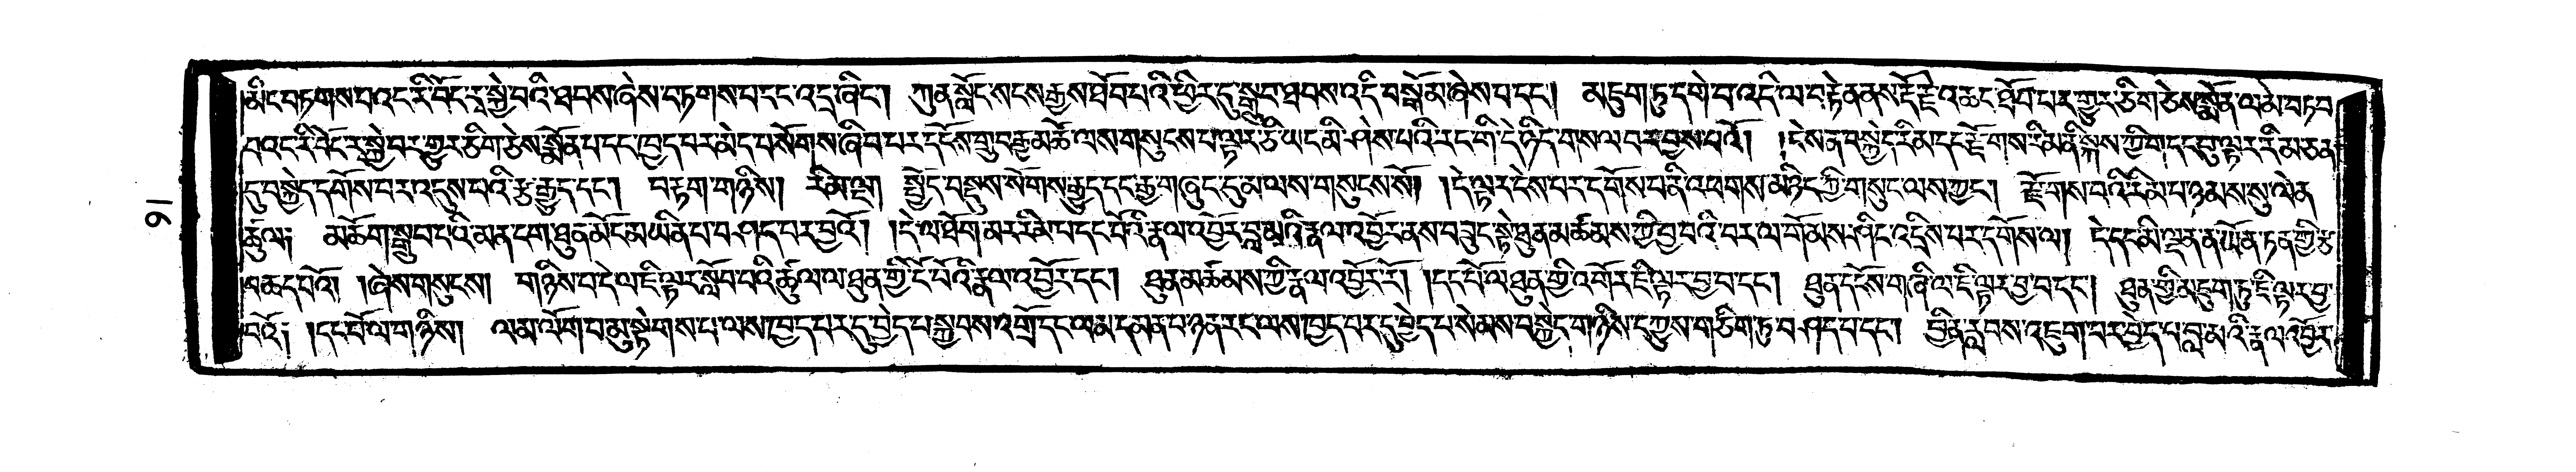མིང་བཏགས་པའང་རི་བོང་རྭ་སྐྱེ་བའི་ཐབས་ཞེས་བཏགས་པ་དག་འདྲ་ཞིང་། ཀུན་སློང་སངས་རྒྱས་ཐོབ་པའི་ཕྱིར་དུ་སྒྲུབ་ཐབས་འདི་བསྒོམ་ཞེས་པ་དང་། མཇུག་ཏུ་དགེ་བ་འདི་ལ་བརྟེན་ནས་རྡོ་རྗེ་འཆང་ཐོབ་པར་གྱུར་ཅིག་ཅེས་སྨོན་ལམ་བཏབ་
བའང་རི་བོང་རྭ་སྐྱེ་བར་གྱུར་ཅིག་ཅེས་སྨོན་པ་དང་ཁྱད་པར་མེད་པ་སོགས་ཞིབ་པར་དངོས་གྲུབ་རྒྱ་མཚོ་ལས་གསུངས་པ་ལྟར་ཅི་ཡང་མི་ཤེས་པའི་རང་གི་དེ་ཉིད་གསལ་བར་བྱས་པའོ། །དེས་ན་བསྐྱེད་རིམ་དང་རྫོགས་རིམ་ནི་སྐས་ཀྱི་གདང་བུ་ལྟར་རིམ་ཅན་
དུ་བསྐྱེད་དགོས་པར་འདུས་པའི་རྩ་རྒྱུད་དང་། བརྟག་གཉིས། རིམ་ལྔ། སྤྱོད་བསྡུས་སོགས་རྒྱུད་དང་རྒྱ་གཞུང་དུ་མ་ལས་གསུངས་སོ། །དེ་ལྟར་ངེས་པར་དགོས་པ་ནི་འཕགས་མ་ཉིད་ཀྱི་གསུང་ལས་ཀྱང་། རྫོགས་པའི་རིམ་པ་ཉམས་སུ་ལེན་
ཚུལ༑ མཆོག་སྒྲུབ་པའི་མན་ངག་ཐུན་མོང་མ་ཡིན་པ་བཤད་པར་བྱའོ། །དེ་ལ་ཐོག་མར་རིམ་པ་དང་པོའི་རྣལ་འབྱོར་བླ་མའི་རྣལ་འབྱོར་ནས་བཟུང་སྟེ་ཐུན་མཚམས་ཀྱི་བྱ་བའི་བར་ལ་གོམས་ཤིང་འདྲིས་པར་དགོས་ལ། དེ་དང་མི་ལྡན་ན་ཡོན་ཏན་གྱི་རྩ་
བ་ཆད་བའོ། །ཞེས་གསུངས། གཉིས་པ་དེ་ལ་ཇི་ལྟར་སློབ་པའི་ཚུལ་ལ་ཐུན་གྱི་ངོ་བོའི་རྣལ་འབྱོར་དང་། ཐུན་མཚམས་ཀྱི་རྣལ་འབྱོར་རོ། །དང་པོ་ལ་ཐུན་གྱི་འགོར་ཇི་ལྟར་བྱ་བ་དང་། ཐུན་དངོས་གཞི་ལ་ཇི་ལྟར་བྱ་བ་དང་། ཐུན་གྱི་མཇུག་ཏུ་ཇི་ལྟར་བྱ་
བའོ༑ །དང་པོ་ལ་གཉིས། ལམ་ལོག་པ་མུ་སྟེགས་པ་ལས་ཁྱད་པར་དུ་བྱེད་པ་སྐྱབས་འགྲོ་དང་ལམ་དམན་པ་ཉན་རང་ལས་ཁྱད་པར་དུ་བྱེད་པ་སེམས་བསྐྱེད་གཉིས་དཀྱུས་གཅིག་ཏུ་བཤད་པ་དང་། བྱིན་རླབས་འཇུག་པར་བྱེད་པ་བླ་མའི་རྣལ་འབྱོར་